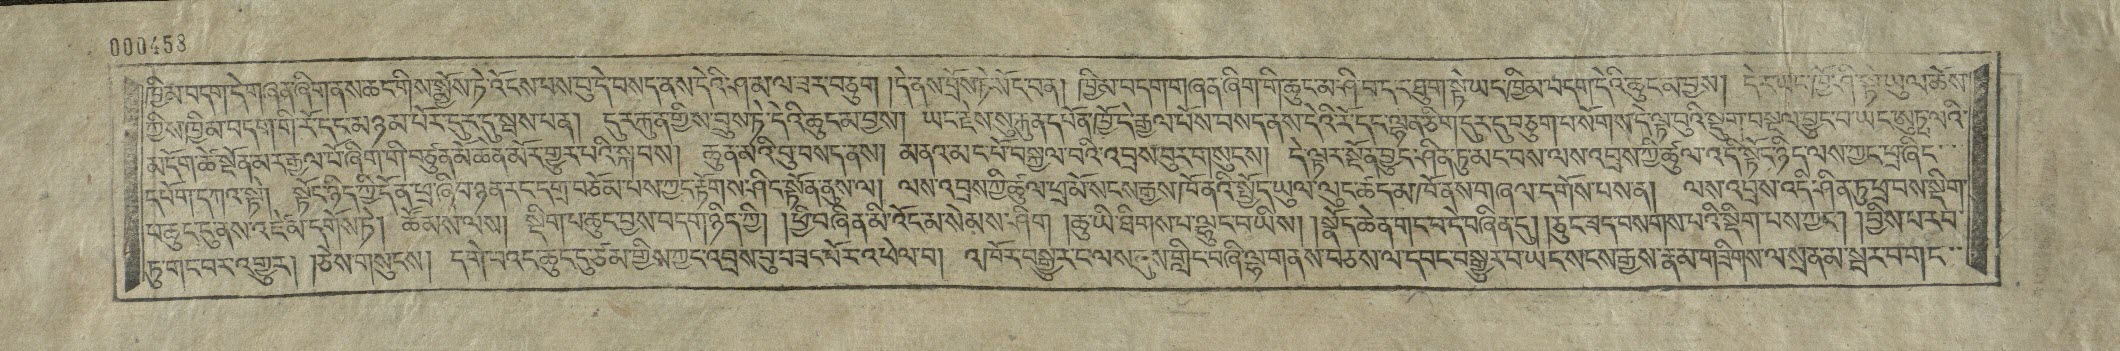ཁྱིམ་བདག་དེ་གཞན་ཞིག་ནས་ཆང་གིས་སྨྱོས་ཏེ་འོངས་པས་བུ་དེ་བསད་ནས་དེའི་ཤ་མ་ལ་ཟར་བཅུག་དེ་ནས་བྲོས་ཏེ་སོང་བ་ན། ཁྱིམ་བདག་གཞན་ཞིག་གི་ཆུང་མ་ཤི་བ་དང་ཐུག་སྟེ་ཡང་ཁྱིམ་བདག་དེའི་ཆུང་མ་བྱས། དེར་ཡང་ཁྱོ་ཤི་སྟེ་ཡུལ་ཆོས་
ཀྱིས་ཁྱིམ་བདག་གི་རོ་དང་མཉམ་པོར་དུར་དུ་སྦས་པ་ན། དུར་རྐུན་གྱིས་བྲུས་ཏེ་དེའི་ཆུང་མ་བྱས། ཡང་རྗེས་སུ་རྐུན་དཔོན་ཁྱོ་དེ་རྒྱལ་པོས་བསད་ནས་དེའི་རོ་དང་ལྷན་ཅིག་དུར་དུ་བཅུག་པ་སོགས་དེ་ལྟ་བུའི་སྡུག་བསྔལ་བྱུང་བ་ཡང་ཨུཏྤ་ལའི་
མདོག་ཚེ་སྔོན་མར་རྒྱལ་པོ་ཞིག་གི་བཙུན་མོ་ཆེན་མོར་གྱུར་པའི་སྐབས། ཆུན་མའི་བུ་བསད་ནས། མནའ་མང་པོ་བསྐྱལ་བའི་འབྲས་བུར་གསུངས། དེ་ལྟར་སྔོན་བྱུང་ཤིན་ཏུ་མང་བས་ལས་འབྲས་ཀྱི་ཚུལ་འདི་སྟོང་ཉིད་ལས་ཀྱང་ཕྲ་ཞིང་
དཔོག་དཀའ་སྟེ། སྟོང་ཉིད་ཀྱི་དོན་ཕྲ་ཞིབ་ཉན་རང་དགྲ་བཅོམ་པས་ཀྱང་རྟོགས་ཤིང་སྟོན་ནུས་ལ། ལས་འབྲས་ཀྱི་ཚུལ་ཕྲ་མོ་སངས་རྒྱས་ཁོ་ནའི་སྤྱོད་ཡུལ་ལུང་ཚད་མ་ཁོ་ནས་གཞལ་དགོས་པས་ན། ལས་འབྲས་འདི་ཤིན་ཏུ་ཕྲ་བས་སྡིག་
པ་ཆུང་ངུ་ནས་འཛེམ་དགོས་ཏེ། ཚོམས་ལས། སྡིག་པ་ཆུང་བྱས་བདག་ཉིད་ཀྱི། །ཕྱི་བཞིན་མི་འོང་མ་སེམས་ཤིག་ཆུ་ཡི་ཐིགས་པ་ལྷུང་བ་ཡིས། །སྣོད་ཆེན་གང་བ་དེ་བཞིན་དུ། །ཅུང་ཟད་བསགས་པའི་སྡིག་པས་ཀྱང་། །བྱིས་པ་རབ་
ཏུ་གང་བར་འགྱུར། །ཅེས་གསུངས། དགེ་བའང་ཆུང་ངུ་ཙམ་གྱིས་ཀྱང་འབྲས་བུ་བཟང་པོར་འཕེལ་བ། འཁོར་བསྒྱུར་ང་ལས་ནུས་གླིང་བཞི་ལྷ་གནས་བཅས་ལ་དབང་བསྒྱུར་བ་ཡང་སངས་རྒྱས་རྣམ་གཟིགས་ལ་སྲན་མ་སྦར་བ་གང་